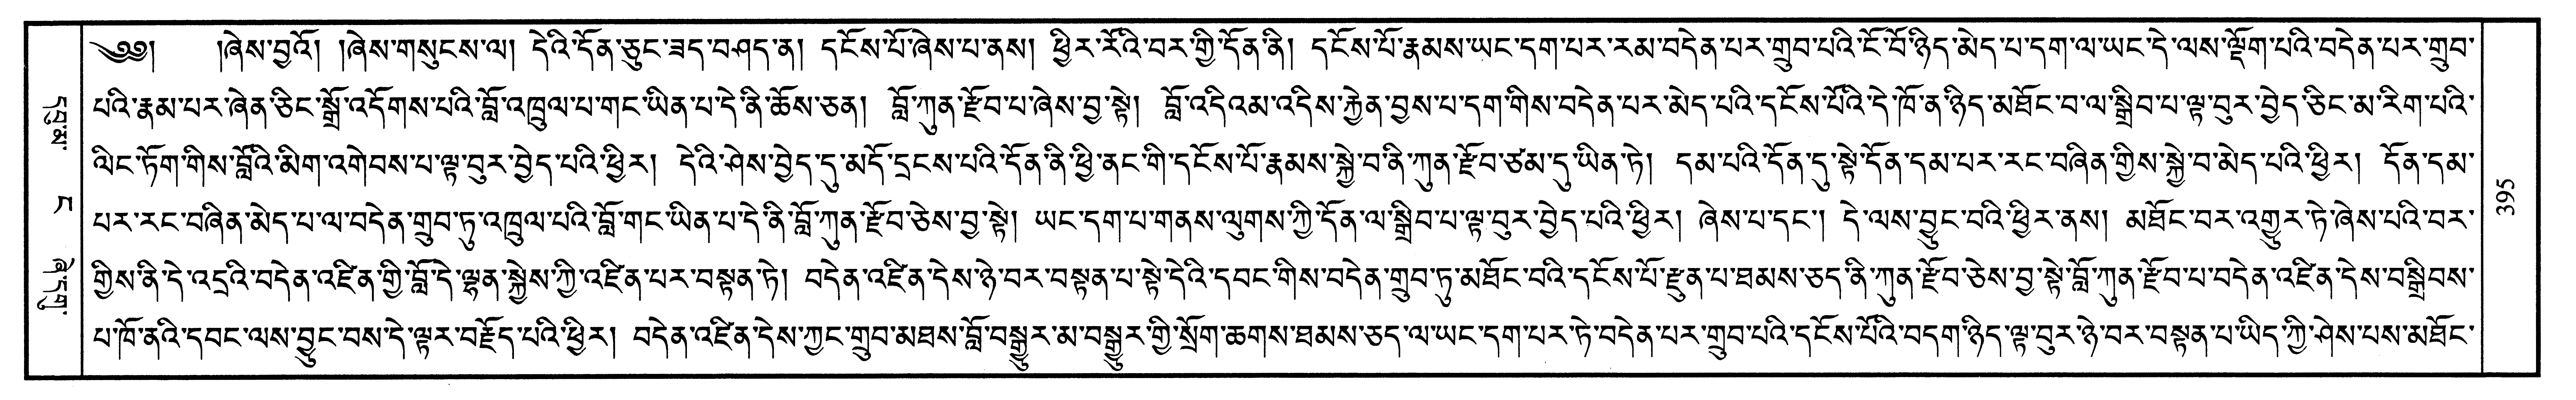༄༅། །ཞེས་བྱའོ། །ཞེས་གསུངས་ལ། དེའི་དོན་ཅུང་ཟད་བཤད་ན། དངོས་པོ་ཞེས་པ་ནས། ཕྱིར་རོའི་བར་གྱི་དོན་ནི། དངོས་པོ་རྣམས་ཡང་དག་པར་རམ་བདེན་པར་གྲུབ་པའི་ངོ་བོ་ཉིད་མེད་པ་དག་ལ་ཡང་དེ་ལས་ལྡོག་པའི་བདེན་པར་གྲུབ་
པའི་རྣམ་པར་ཞེན་ཅིང་སྒྲོ་འདོགས་པའི་བློ་འཁྲུལ་པ་གང་ཡིན་པ་དེ་ནི་ཆོས་ཅན། བློ་ཀུན་རྫོབ་པ་ཞེས་བྱ་སྟེ། བློ་འདིའམ་འདིས་རྐྱེན་བྱས་པ་དག་གིས་བདེན་པར་མེད་པའི་དངོས་པོའི་དེ་ཁོ་ན་ཉིད་མཐོང་བ་ལ་སྒྲིབ་པ་ལྟ་བུར་བྱེད་ཅིང་མ་རིག་པའི་
ལིང་ཏོག་གིས་བློའི་མིག་འགེབས་པ་ལྟ་བུར་བྱེད་པའི་ཕྱིར། དེའི་ཤེས་བྱེད་དུ་མདོ་དྲངས་པའི་དོན་ནི་ཕྱི་ནང་གི་དངོས་པོ་རྣམས་སྐྱེ་བ་ནི་ཀུན་རྫོབ་ཙམ་དུ་ཡིན་ཏེ། དམ་པའི་དོན་དུ་སྟེ་དོན་དམ་པར་རང་བཞིན་གྱིས་སྐྱེ་བ་མེད་པའི་ཕྱིར། དོན་དམ་
པར་རང་བཞིན་མེད་པ་ལ་བདེན་གྲུབ་ཏུ་འཁྲུལ་པའི་བློ་གང་ཡིན་པ་དེ་ནི་བློ་ཀུན་རྫོབ་ཅེས་བྱ་སྟེ། ཡང་དག་པ་གནས་ལུགས་ཀྱི་དོན་ལ་སྒྲིབ་པ་ལྟ་བུར་བྱེད་པའི་ཕྱིར། ཞེས་པ་དང་། དེ་ལས་བྱུང་བའི་ཕྱིར་ནས། མཐོང་བར་འགྱུར་ཏེ་ཞེས་པའི་བར་
གྱིས་ནི་དེ་འདྲའི་བདེན་འཛིན་གྱི་བློ་དེ་ལྷན་སྐྱེས་ཀྱི་འཛིན་པར་བསྟན་ཏེ། བདེན་འཛིན་དེས་ཉེ་བར་བསྟན་པ་སྟེ་དེའི་དབང་གིས་བདེན་གྲུབ་ཏུ་མཐོང་བའི་དངོས་པོ་རྫུན་པ་ཐམས་ཅད་ནི་ཀུན་རྫོབ་ཅེས་བྱ་སྟེ་བློ་ཀུན་རྫོབ་པ་བདེན་འཛིན་དེས་བསྒྲིབས་
པ་ཁོ་ནའི་དབང་ལས་བྱུང་བས་དེ་ལྟར་བརྗོད་པའི་ཕྱིར། བདེན་འཛིན་དེས་ཀྱང་གྲུབ་མཐས་བློ་བསྒྱུར་མ་བསྒྱུར་གྱི་སྲོག་ཆགས་ཐམས་ཅད་ལ་ཡང་དག་པར་ཏེ་བདེན་པར་གྲུབ་པའི་དངོས་པོའི་བདག་ཉིད་ལྟ་བུར་ཉེ་བར་བསྟན་པ་ཡིད་ཀྱི་ཤེས་པས་མཐོང་